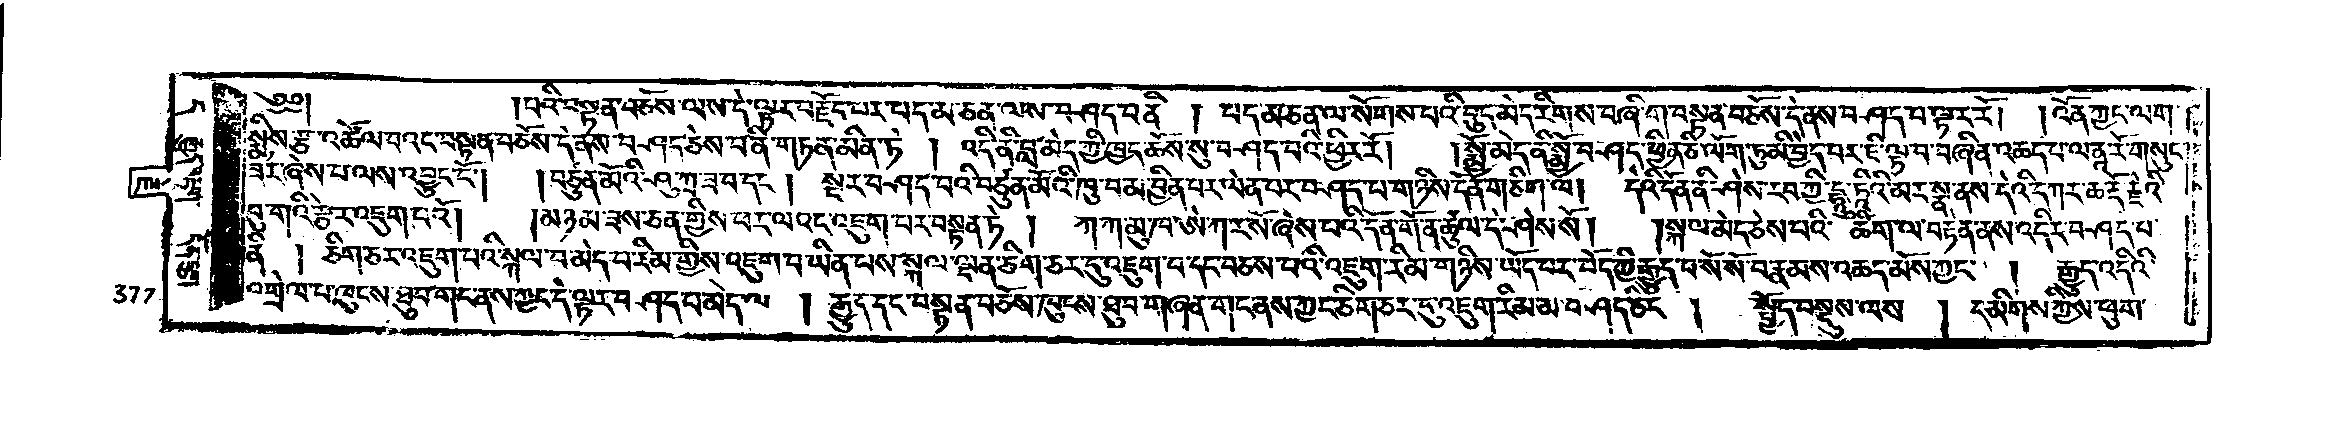༄༅། །པའི་བསྟན་བཅོས་ལས་དེ་ལྟར་བརྗོད་པར་པད་མ་ཅན་ལས་བཤད་པ་ནི། པད་མ་ཅན་ལ་སོགས་པའི་བུད་མེད་རིགས་བཞི་ག་བསྟན་བཅོས་དེ་ནས་བཤད་པ་ལྟར་རོ། །འོན་ཀྱང་ལག་
སྨིས་རྩ་འཚོལ་བའང་བསྟན་བཅོས་དེ་ནས་བཤད་ཅེས་པ་ནི་གཏན་མིན་ཏེ། འདི་ནི་བླ་མེད་ཀྱི་ཁྱད་ཆོས་སུ་བཤད་པའི་ཕྱིར་རོ། །སྨྱོ་མེད་ནི་སྨྱོ་བཤད་ཕྱིན་ཅི་ལོག་ཏུ་མི་བྱེད་པར་ཇི་ལྟ་བ་བཞིན་འཆད་པ་ལ་ནཱ་རོ་གསུང་
ཟེར་ཞེས་པ་ལས་འབྱུང་ངོ། །བཙུན་མོའི་ཤུ་ཀྲ་ཟ་བ་དང་། སྔར་བཤད་པའི་བཙུན་མོའི་ཁུ་བ་མ་བྱིན་པར་ལེན་པར་བཤད་པ་གཉིས་དོན་གཅིག་ལ། དེའི་དོན་ནི་ཤེས་རབ་ཀྱི་དྷཱུ་ཏཱིའི་མར་སྣ་ནས་དེའི་དཀར་ཆ་རྡོ་རྗེའི་
བུ་གའི་རྩེར་འཇུག་པའོ། །མཉམ་ཟས་ཅན་གྱིས་ཕར་ལའང་འཇུག་པར་བསྟན་ཏེ། ཀ་ཀ་མུ་ཁ་ཨེ་ཀ་ར་སོ་ཞེས་པའི་དོན་གོ་ན་ཚུལ་དེ་ཤེས་སོ། །སྐལ་མེད་ཅེས་པའི་ཚིག་ལ་བརྟེན་ནས་འདིར་བཤད་པ་
ནི། ཅིག་ཅར་འཇུག་པའི་སྐལ་བ་མེད་པ་རིམ་གྱིས་འཇུག་པ་ཡིན་པས་སྐལ་ལྡན་ཅིག་ཅར་དུ་འཇུག་པ་དང་བཅས་པའི་འཇུག་རིམ་གཉིས་ཡོད་པར་བོད་ཀྱི་རྒྱུད་པ་སོ་སོ་བ་རྣམས་འཆད་མོས་ཀྱང་། རྒྱུད་འདིའི་
འགྲེལ་པ་ཁུངས་ཐུབ་གང་ནས་ཀྱང་དེ་ལྟར་བཤད་པ་མེད་ལ། རྒྱུད་དང་བསྟན་བཅོས་ཁུངས་ཐུབ་གཞན་གང་ནས་ཀྱང་ཅིག་ཅར་དུ་འཇུག་རིམ་མ་བཤད་ཅིང་། སྤྱོད་བསྡུས་ལས། དམིགས་ཀྱིས་ཕུག་